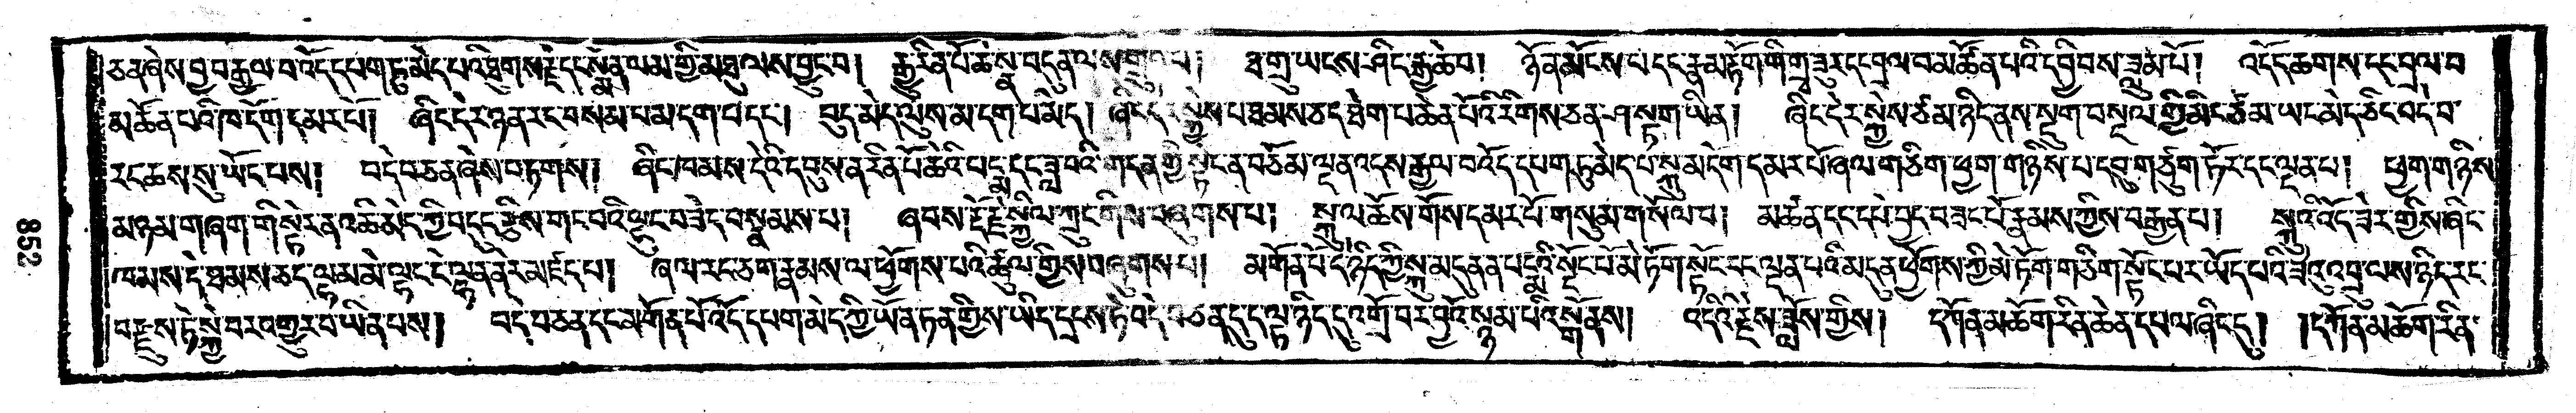ཅན་ཞེས་བྱ་བ་རྒྱལ་བ་འོད་དཔག་ཏུ་མེད་པའི་ཐུགས་རྗེ་དང་སྨོན་ལམ་གྱི་མཐུ་ལས་བྱུང་བ། རྒྱུ་རིན་པོ་ཆེ་སྣ་བདུན་ལས་གྲུབ་པ། ཐ་གྲུ་ཡངས་ཤིང་རྒྱ་ཆེ་བ། ཉོན་མོངས་པ་དང་རྣམ་རྟོག་གི་གྲྭ་ཟུར་དང་བྲལ་བ་མཚོན་པའི་དབྱིབས་ཟླུམ་པོ། འདོད་ཆགས་དང་བྲལ་བ་
མཚོན་པའི་ཁ་དོག་དམར་པོ། ཞིང་དེར་ཉན་རང་བསམ་པ་མ་དག་པ་དང་། བུད་མེད་ལུས་མ་དག་པ་མེད། ཞིང་དེར་སྐྱེས་པ་ཐམས་ཅད་ཐེག་པ་ཆེན་པོའི་རིགས་ཅན་ཤ་སྟག་ཡིན། ཞིང་དེར་སྐྱེས་ཙམ་ཉིད་ནས་སྡུག་བསྔལ་གྱི་མིང་ཙམ་ཡང་མེད་ཅིང་བདེ་བ་
རང་ཆས་སུ་ཡོད་པས། བདེ་བ་ཅན་ཞེས་བཏགས། ཞིང་ཁམས་དེའི་དབུས་ན་རིན་པོ་ཆེའི་པདམ་དང་ཟླ་བའི་གདན་གྱི་སྟེང་ན་བཅོམ་ལྡན་འདས་རྒྱལ་བ་འོད་དཔག་ཏུ་མེད་པ་སྐུ་མདོག་དམར་པོ་ཞལ་གཅིག་ཕྱག་གཉིས་པ་དབུ་གཙུག་ཏོར་དང་ལྡན་པ། ཕྱག་གཉིས་
མཉམ་གཞག་གི་སྟེར་ན་འཆི་མེད་ཀྱི་བདུད་རྩིས་གང་བའི་ལྷུང་བཟེད་བསྣམས་པ། ཞབས་རྡོ་རྗེ་སྐྱིལ་ཀྲུང་གིས་བཞུགས་པ། སྐུ་ལ་ཆོས་གོས་དམར་པོ་གསུམ་གསོལ་བ། མཚན་དང་དཔེ་བྱད་བཟང་པོ་རྣམས་ཀྱིས་བརྒྱན་པ། སྐུའི་འོད་ཟེར་གྱིས་ཞིང་
ཁམས་དེ་ཐམས་ཅད་ལྷམ་མེ་ལྷང་ལྷན་ནེར་མཛད་པ། ཞལ་རང་ཅག་རྣམས་ལ་ཕྱོགས་པའི་ཚུལ་གྱིས་བཞུགས་པ། མགོན་པོ་དེ་ཉིད་ཀྱི་སྐུ་མདུན་ན་པདམའི་སྡོང་པོ་མེ་ཏོག་སྟོང་དང་ལྡན་པའི་མདུན་ཕྱོགས་ཀྱི་མེ་ཏོག་གཅིག་སྟོང་བར་ཡོད་པའི་ཟའུ་འབྲུ་ལས་ཉིད་རང་
བརྫུས་ཏེ་སྐྱེ་བར་འགྱུར་བ་ཡིན་པས། བདེ་བ་ཅན་དང་མགོན་པོ་འོད་དཔག་མེད་ཀྱི་ཡོན་ཏན་གྱིས་ཡིད་དྲངས་ཏེ་བདེ་བ་ཅན་དུ་ད་ལྟ་ཉིད་དུ་འགྲོ་བར་བྱའོ་སྙམ་པའི་སྒོ་ནས། འདིའི་རྗེས་ཟློས་གྱིས། དཀོན་མཆོག་རིན་ཆེན་དཔལ་ཞིང་དུ། །དཀོན་མཆོག་རིན་